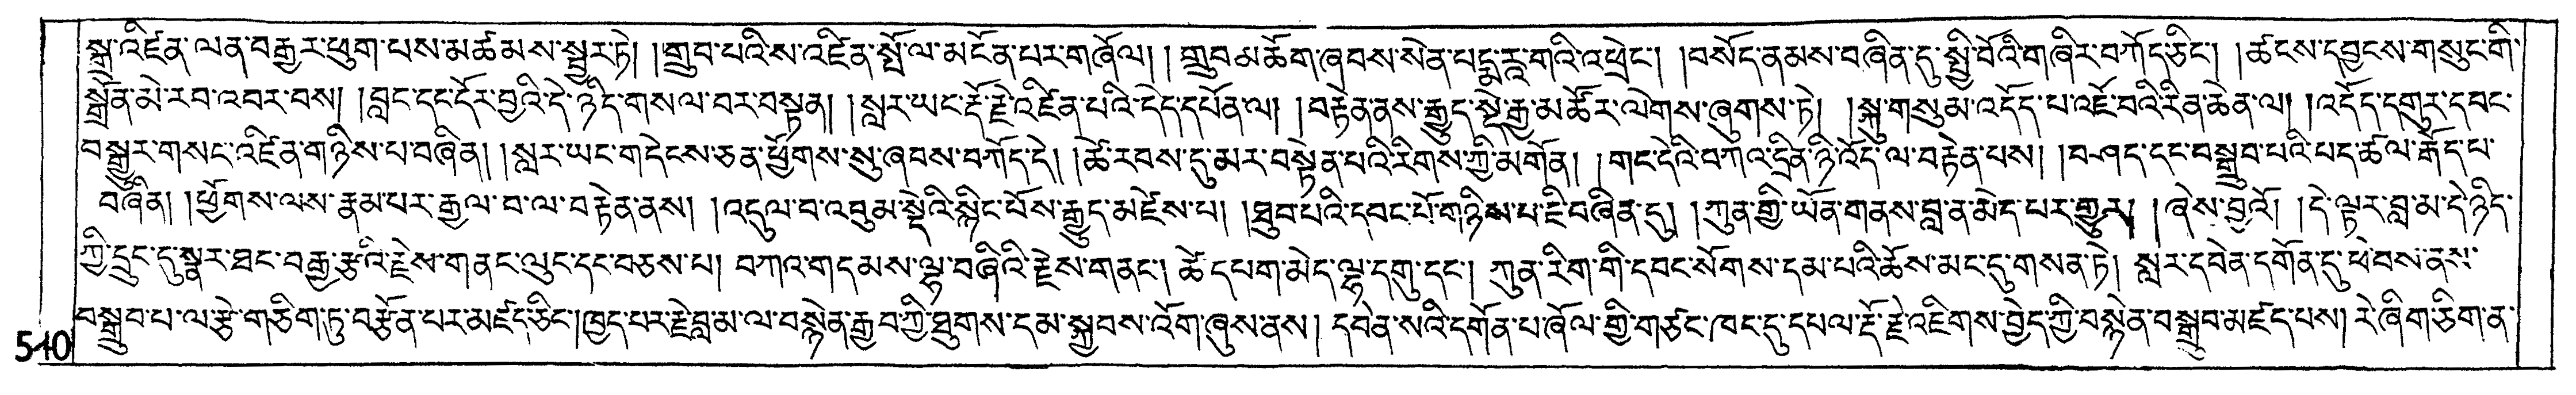སྒྲ་འཛིན་ལན་བརྒྱར་ཕུག་པས་མཚམས་སྦྱར་ཏེ། །གྲུབ་པའི་ས་འཛིན་སྤོ་ལ་མངོན་པར་གཞོལ། །གྲུབ་མཆོག་ཞབས་སེན་པདམ་རཱ་གའི་འཕྲེང་། །བསོད་ནམས་བཞིན་དུ་སྤྱི་བོའི་གཞིར་བཀོད་ཅིང་། །ཚངས་དབྱངས་གསུང་གི་
སྒྲོན་མེ་རབ་འབར་བས། །བླང་དང་དོར་བྱའི་དེ་ཉིད་གསལ་བར་བསྟན། །སླར་ཡང་རྡོ་རྗེ་འཛིན་པའི་དེད་དཔོན་ལ། །བརྟེན་ནས་རྒྱུད་སྡེ་རྒྱ་མཚོར་ལེགས་ཞུགས་ཏེ། །སྐུ་གསུམ་འདོད་པ་འཇོ་བའི་རིན་ཆེན་ལ། །འདོད་དགུར་དབང་
བསྒྱུར་གསང་འཛིན་གཉིས་པ་བཞིན། །སླར་ཡང་གདེངས་ཅན་ཕྱོགས་སུ་ཞབས་བཀོད་དེ། །ཚེ་རབས་དུ་མར་བསྟེན་པའི་རིགས་ཀྱི་མགོན། །གང་དེའི་བཀའ་དྲིན་ཉི་འོད་ལ་བརྟེན་པས། །བཤད་དང་བསྒྲུབ་པའི་པད་ཚལ་རྒོད་པ་
བཞིན། །ཕྱོགས་ལས་རྣམ་པར་རྒྱལ་བ་ལ་བརྟེན་ནས། །འདུལ་བ་འབུམ་སྡེའི་སྙིང་པོས་རྒྱུད་མཛེས་པ། །ཐུབ་པའི་དབང་པོ་གཉིས་པ་ཇི་བཞིན་དུ། །ཀུན་གྱི་ཡོན་གནས་བླ་ན་མེད་པར་གྱུར། །ཞེས་བྱའོ། །དེ་ལྟར་བླ་མ་དེ་ཉིད་
ཀྱི་དྲུང་དུ་སྣར་ཐང་བརྒྱ་རྩའི་རྗེས་གནང་ལུང་དང་བཅས་པ། བཀའ་གདམས་ལྷ་བཞིའི་རྗེས་གནང་། ཚེ་དཔག་མེད་ལྷ་དགུ་དང་། ཀུན་རིག་གི་དབང་སོགས་དམ་པའི་ཆོས་མང་དུ་གསན་ཏེ། སླར་དབེན་དགོན་དུ་ཕེབས་ནས་
བསྒྲུབ་པ་ལ་རྩེ་གཅིག་ཏུ་བརྩོན་པར་མཛད་ཅིང་། ཁྱད་པར་རྗེ་བླ་མ་ལ་བསྙེན་རྒྱབ་ཀྱི་ཐུགས་དམ་སྐྱབས་འོག་ཞུས་ནས། དབེན་སའི་དགོན་པ་ཞོལ་གྱི་གཙང་ཁང་དུ་དཔལ་རྡོ་རྗེ་འཇིགས་བྱེད་ཀྱི་བསྙེན་བསྒྲུབ་མཛད་པས། རེ་ཞིག་ཅིག་ན་